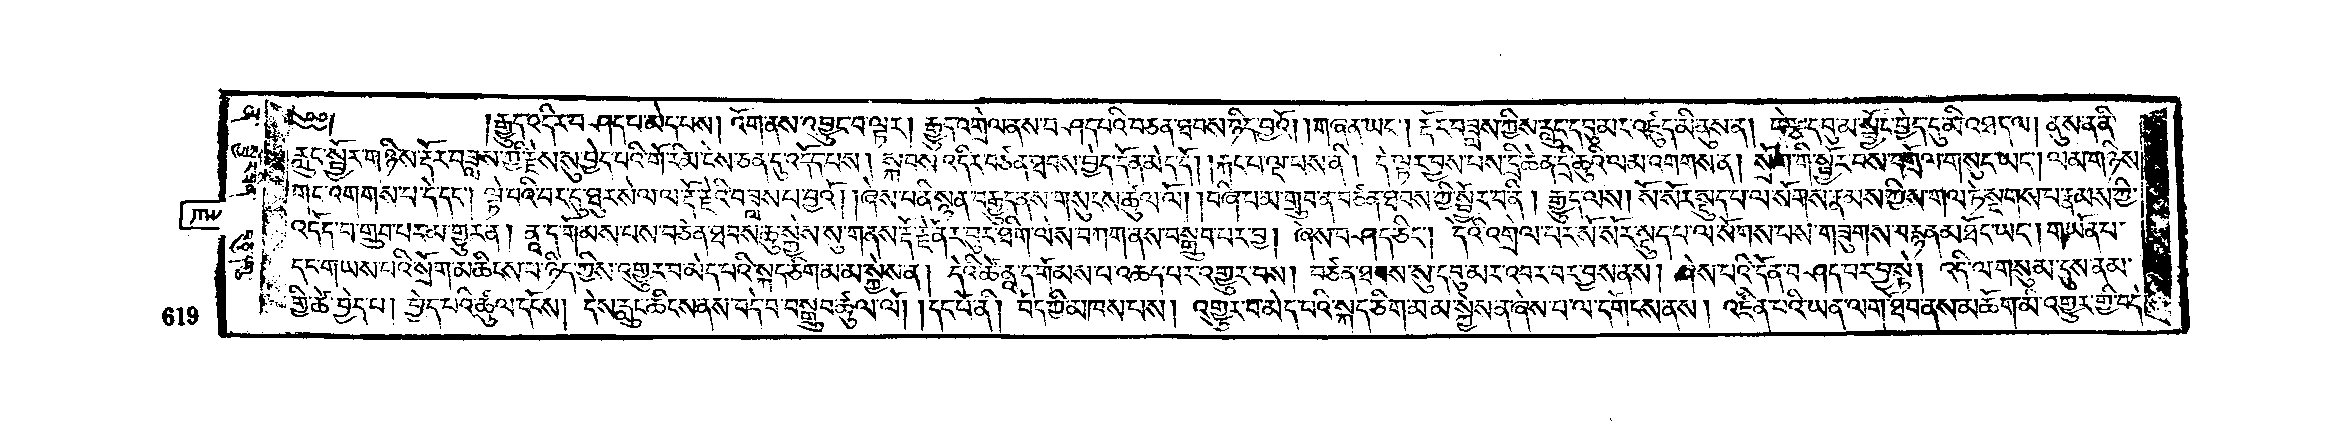༄༅། །རྒྱུད་འདིར་བཤད་པ་མེད་པས། འོག་ནས་འབྱུང་བ་ལྟར། རྒྱུད་འགྲེལ་ནས་བཤད་པའི་བཅན་ཐབས་ཉིད་བྱའོ། །གཞན་ཡང་། རྡོར་བཟླས་ཀྱིས་རླུང་དབུ་མར་འཛུད་མི་ནུས་ན། དེ་རྩ་དབུ་མ་སྦྱོང་བྱེད་དུ་མི་འཐད་ལ། ནུས་ན་ནི་
རླུང་སྦྱོར་གཉིས་རྡོར་བཟླས་ཀྱི་རྗེས་སུ་བྱེད་པའི་གོ་རིམ་ངེས་ཅན་དུ་འདོད་པས། སྐབས་འདིར་བཙན་ཐབས་བྱེད་དོན་མེད་དོ། །རྐང་པ་ལྔ་པས་ནི། དེ་ལྟར་བྱས་པས་དྲི་ཆེན་དྲི་ཆུའི་ལམ་འགགས་ན། སྲོག་གི་སྦྱོར་བས་དགྲོལ་གསུང་ཡང་། ལམ་གཉིས་
གང་འགགས་པ་དེ་དང་། ལྟེ་བའི་བར་དུ་ཐུར་སེལ་ལ་རྡོ་རྗེའི་བཟླས་པ་བྱའོ། །ཞེས་པ་ནི་སྙན་བརྒྱུད་ནས་གསུངས་ཚུལ་ལོ། །བཞི་པ་མ་གྲུབ་ན་བཙན་ཐབས་ཀྱི་སྦྱོར་བ་ནི། རྒྱུད་ལས། སོ་སོར་སྡུད་པ་ལ་སོགས་རྣམས་ཀྱིས་གལ་ཏེ་སྔགས་པ་རྣམས་ཀྱི་
འདོད་པ་གྲུབ་པར་མ་གྱུར་ན། ནཱ་ད་གོམས་པས་བཙན་ཐབས་ཆུ་སྐྱེས་སུ་གནས་རྡོ་རྗེ་ནོར་བུར་ཐིག་ལེས་བཀག་ནས་བསྒྲུབ་པར་བྱ། ཞེས་བཤད་ཅིང་། དེའི་འགྲེལ་པར་སོ་སོར་སྡུད་པ་ལ་སོགས་པས་གཟུགས་བརྙན་མཐོང་ཡང་། གཡོན་པ་
དང་གཡས་པའི་སྲོག་མ་ཆིངས་པ་ཉིད་ཀྱིས་འགྱུར་བ་མེད་པའི་སྐད་ཅིག་མ་མ་སྐྱེས་ན། དེའི་ཚེ་ནཱ་ད་གོམས་པ་འཆད་པར་འགྱུར་བས། བཙན་ཐབས་སུ་དབུ་མར་འབར་བར་བྱས་ནས། ཞེས་པའི་དོན་བཤད་པར་བྱ་སྟེ། འདི་ལ་གསུམ་དུས་ནམ་
གྱི་ཚེ་བྱེད་པ། བྱེད་པའི་ཚུལ་དངོས། དེས་རླུང་ཆིངས་ནས་བདེ་བ་བསྒྲུབ་ཚུལ་ལོ། །དང་པོ་ནི། བོད་ཀྱི་མཁས་པས། འགྱུར་བ་མེད་པའི་སྐད་ཅིག་མ་མ་སྐྱེས་ན་ཞེས་པ་ལ་དགོངས་ནས། འཛིན་པའི་ཡན་ལག་ཐོབ་ནས་མཆོག་མི་འགྱུར་གྱི་བདེ་